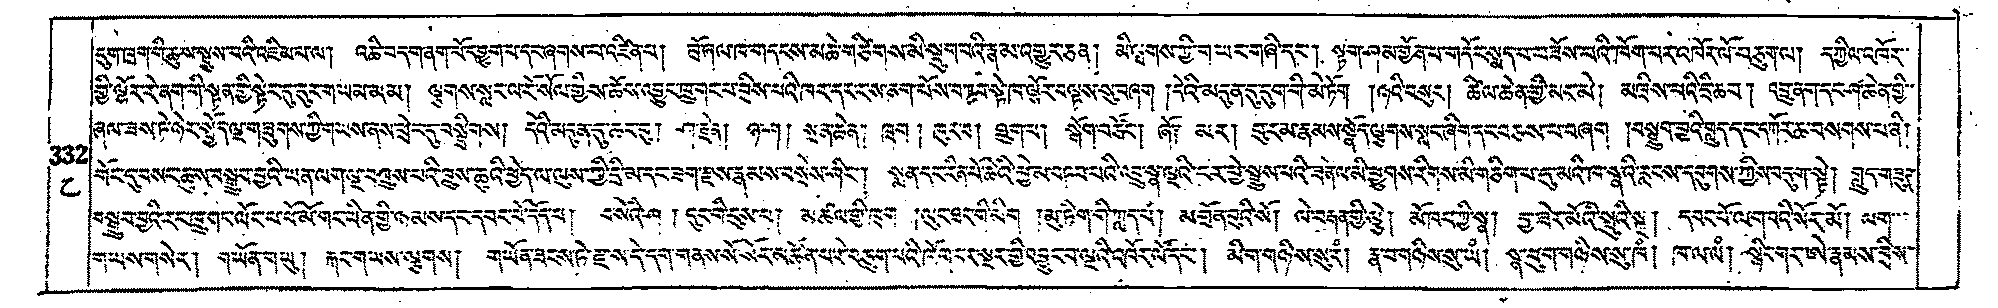དུག་ཁྲག་གི་ཆུས་སྦྲུས་པའི་འཇིམ་པ་ལ། འཆི་བདག་ནག་པོ་དབྱུག་པ་དང་ཞགས་པ་འཛིན་པ། ཁྲོ་ཞལ་ཁ་གདངས་མཆེ་གཙིགས་མི་སྡུག་པའི་རྣམ་འགྱུར་ཅན། མི་ལྤགས་ཀྱི་གཡང་གཞི་དང་། སྟག་ཤམ་གྱོན་པ་གདོན་སྨད་པ་བཟོས་པའི་ཁོག་པར་འཁོར་ལོ་བཅུག་ལ། དཀྱིལ་འཁོར་་་
གྱི་ལྷོར་རེ་ནག་གི་སྟན་གྱི་སྟེང་དུ་དུར་གཡམ་མམ། ལྕགས་སླང་ལ་རོ་སོལ་གྱིས་ཆོས་འབྱུང་ཁྲུ་གང་པ་བྲིས་པའི་ཁར་དར་རས་ནག་པོས་བཀབ་སྟེ་ཁ་ལྷོར་བལྟས་སུ་བཞག །དེའི་མདུན་དུ་དུག་གི་མེ་ཏོག །ཉའི་བསུར། ཚིལ་ཆེན་གྱི་མར་མེ། མཁྲིས་པའི་དྲི་ཆབ། འབྲུ་ནག་དང་ཤ་ཆེན་གྱི་་་
ཞལ་ཟས་ཏེ་ཉེར་སྤྱོད་ལྔ་གཟུགས་ཀྱི་གཡས་ནས་ཕྲེང་དུ་བསྒྲིགས། དེའི་མདུན་དུ་ཆང་བུ། ཤ་རྗེན། ཉ་ཤ། སྲན་ཆེན། ཁྲག། ཁུར་བ། ཐུག་པ། སྒོག་བཙོང་། ཞོ༑ མར། བུ་རམ་རྣམས་སྣོད་ལྕགས་སླང་ཞིག་དང་། བཅས་པ་བཞག །བསྒྲུབ་བྱའི་གླུད་དང་དཀོར་ཆ་བསགས་པ་ནི།
གོང་དུ་བསང་ཆུས་བསྒྲུབ་བྱའི་ཡན་ལག་ལྔ་བཀྲུས་པའི་ཁྲུས་པའི་ཁྲུས་ཆུའི་ཕྱེད་ལ་ལུས་ཀྱི་དྲི་མ་དང་ཟག་རྫས་རྣམས་བསྲེགས་ཤིང་། སྨན་དང་རིན་པོ་ཆེའི་ཕྱེ་མ་བཏབ་པའི་འབྲུ་སྣ་ལྔའི་ངར་ཕྱེ་སྦྲུས་པའི་ཟན་ལ་མི་ཕྱུགས་རིགས་མི་གཅིག་པ་དུ་མའི་ཁ་སྣའི་རླངས་དབུགས་ཀྱིས་བདུག་སྟེ། གླུད་གཟུཌ་
བསྒྲུབ་བྱའི་རང་ཁྲུ་གང་ལོང་པ་ཕོ་མོ་གང་ཡིན་གྱི་ཉམས་དང་དབང་པོ་དོད་པ། བསེའི་ཤ་།དུང་གི་རུས་པ། མཚལ་གྱི་ཁྲག །ལུང་ཐང་གི་མིག །མུ་ཏིག་གི་ཀླད་པ། མགྲོན་བུའི་སོ། ལེ་བརྒྱན་གྱི་ལྕེ། མོ་ཁབ་ཀྱི་སྣ། བྱ་ཟེར་མོའི་སྤུའི་སྐྲ། དབང་པོ་ལག་པའི་སོར་མོ། ལག་་་
གཡས་གསེར། གཡོན་གཡུ། རྐང་གཡས་ལྕགས། གཡོན་ཟངས་ཏེ་རྫས་དེ་དག་གནས་སོ་སོར་མཚོན་པ་རེ་བཅུག་པའི་ཁོག་པར་སྔར་གྱི་འབྱུང་བ་ལྔའི་འཁོར་ལོ་དང་། མིག་གཉིས་སུ་རཾ། རྣ་བ་གཉིས་སུ་ཡཾ། སྣ་བུག་གཉིས་སུ་ཁཾ། ཁ་ལ་ལཾ། སྙིང་གར་ཨེ་རྣམས་བྲིས་་་